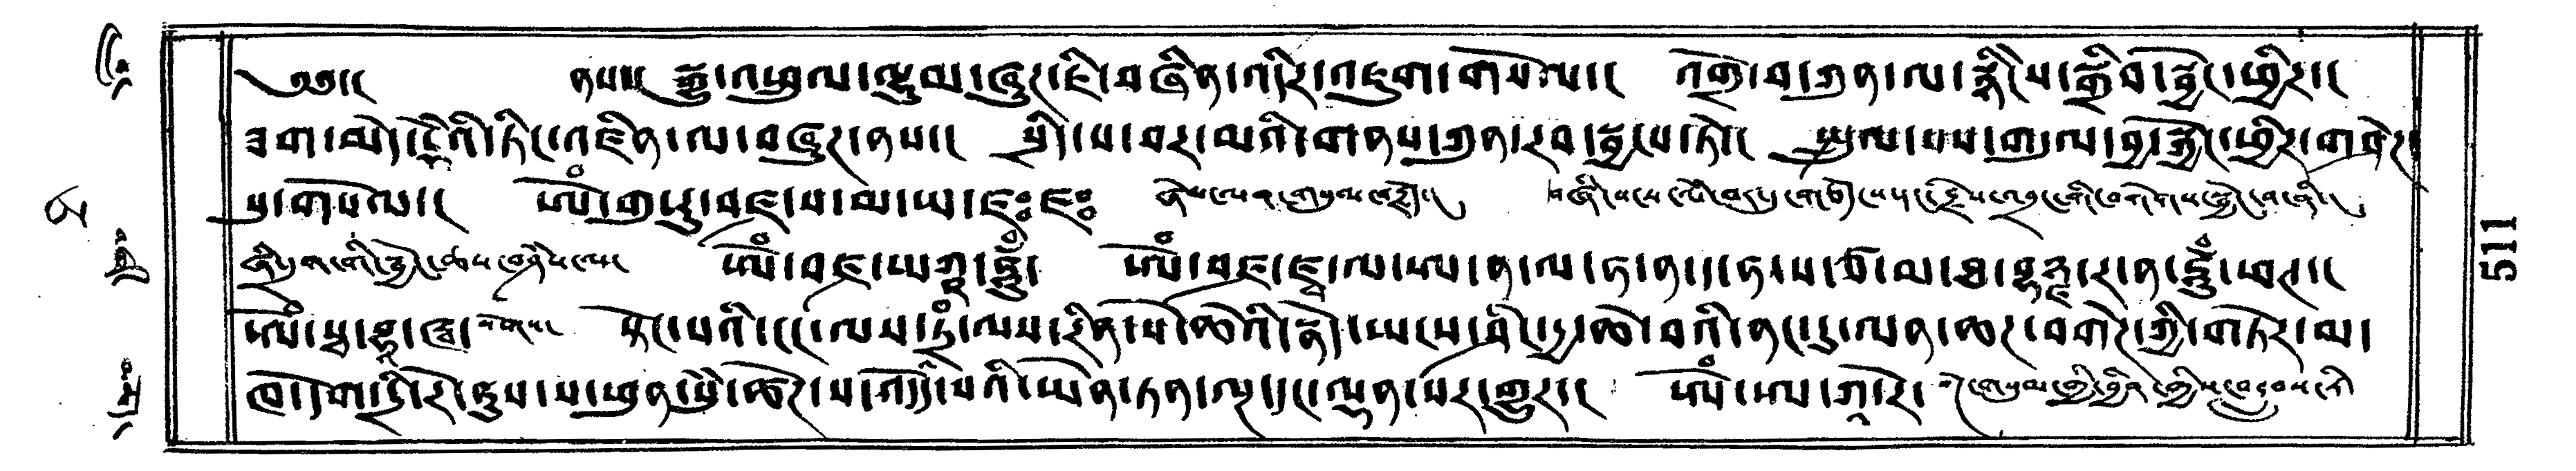ནས། །སྒྱུ་འཕྲུལ་ལྷུམ་ཞུགས་ཇི་བཞིན་འདིར་འཇུག་གསོལ། །འགྲོ་བ་ཀུན་ལ་སྙིང་རྗེས་སྒྲིབ་སྦྱོང་ཕྱིར། །
ཟག་མེད་རྡོ་རྗེའི་ཏིང་འཛིན་ལ་བཞུགས་ནས། །སྲིད་པ་བར་མའི་གནས་ཀུན་རབ་སྦྱངས་ཏེ། །སྤྲུལ་པས་གདུལ་བྱ་སྐྱོང་ཕྱིར་གཤེགས་
སུ་གསོལ།ཨོཾ་གུ་རུ་བཛྲ་ས་མ་ཡ་ཛཿཛཿ ཞེས་ལན་གསུམ་བརྗོད། བཞི་པ་ས་ལམ་ལ་བར་དུ་གཅོད་པ་དང་རྗེས་འབྲང་གི་བགེགས་སྦྱོང་བ་ནི། 
ཞི་དྲག་གི་སྦྱོང་ཆས་བཤམས་ལ། ཨོཾ་བཛྲ་ཡཀྵ་ཧཱུྃ། ཨོཾ་བཛྲ་ཛྭ་ལ་ཨ་ན་ལ་ཧ་ན་ད་ཧ་པ་ཙ་མ་ཐ་བྷཉྫ་ར་ན་ཧཱུྃ་ཕཊ། 
ཨོཾ་སྭ་བྷཱ་ཝ༴ སོགས། སྟོང་པའི་ངང་ལས་ཏྲཱཾ་ལས་རིན་པོ་ཆེའི་སྣོད་ཡངས་ཤིང་རྒྱ་ཆེ་བའི་ནང་དུ་ལན་ཆགས་བགེགས་ཀྱི་གཏོར་མ་
ཁ་དོག་དྲི་རོ་ནུས་པ་ཕུན་ཚོགས་པ་འདོད་པའི་ཡོན་ཏན་ལྔ་དང་ལྡན་པར་གྱུར། ཨོཾ་ཨ་ཀཱ་རོ༴ སོགས་གསུམ་གྱི་བྱིན་གྱིས་བརླབས་ཏེ།